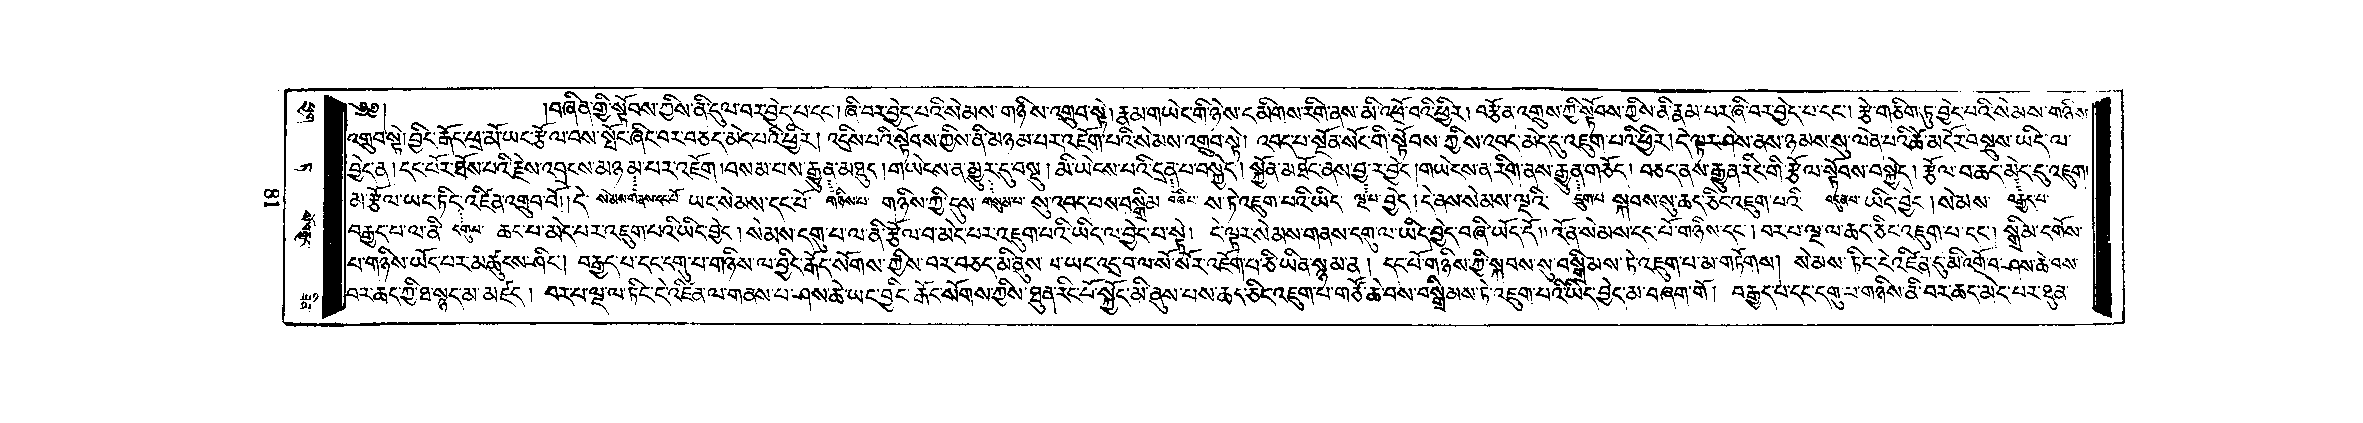༄༅། །བཞིན་གྱི་སྟོབས་ཀྱིས་ནི་དུལ་བར་བྱེད་པ་དང་། ཞི་བར་བྱེད་པའི་སེམས་གཉིས་འགྲུབ་སྟེ། རྣམ་གཡེང་གི་ཉེས་དམིགས་རིག་ནས་མི་འཕྲོ་བའི་ཕྱིར། བརྩོན་འགྲུས་ཀྱི་སྟོབས་ཀྱིས་ནི་རྣམ་པར་ཞི་བར་བྱེད་པ་དང་། རྩེ་གཅིག་ཏུ་བྱེད་པའི་སེམས་གཉིས་
འགྲུབ་སྟེ། བྱིང་རྒོད་ཕྲ་མོ་ཡང་རྩོལ་བས་སྤོང་ཞིང་བར་བཅད་མེད་པའི་ཕྱིར། འདྲིས་པའི་སྟོབས་ཀྱིས་ནི་མཉམ་པར་འཇོག་པའི་སེམས་འགྲུབ་སྟེ། འབད་པ་སྔོན་སོང་གི་སྟོབས་ཀྱིས་འབད་མེད་དུ་འཇུག་པའི་ཕྱིར། དེ་ལྟར་ཤེས་ནས་ཉམས་སུ་ལེན་པའི་ཚེ་མདོར་བསྡུས་ཡིད་ལ་
བྱེད་ན། དང་པོར་ཐོས་པའི་རྗེས་འབྲངས་མཉམ་པར་འཇོག །བསམ་པས་རྒྱུན་མཐུད། གཡེངས་ན་མྱུར་དུ་བསྡུ། མི་ཡེངས་པའི་དྲན་པ་བསྐྱེད། སྐྱོན་མཐོང་ནས་བྱ་ར་བྱེད། གཡེངས་ན་རིག་ནས་རྒྱུན་གཅོད། བཅད་ནས་རྒྱུན་རིང་གི་རྩོལ་སྟོབས་བསྐྱེད། རྩོལ་བ་ཆད་མེད་དུ་འཇུག་
མ་རྩོལ་ཡང་ཏིང་འཛིན་འགྲུབ་བོ། །དེ་སེམས་གནས་དང་པོ་ཡང་སེམས་དང་པོ་གཉིས་པ་གཉིས་ཀྱི་དུས་གསུམ་པ་སུ་འབད་པས་བསྒྲིམ་བཞི་པ་ས་ཏེ་འཇུག་པའི་ཡིད་ལྔ་པ་བྱེད། དེ་ནས་སེམས་ལྔའི་དྲུག་པ་སྐབས་སུ་ཆད་ཅིང་འཇུག་པའི་བདུན་པ་ཡིད་བྱེད། སེམས་བརྒྱད་པ་
བརྒྱད་པ་ལ་ནི་དགུ་པ་ཆད་པ་མེད་པར་འཇུག་པའི་ཡིད་བྱེད། སེམས་དགུ་པ་ལ་ནི་རྩོལ་བ་མེད་པར་འཇུག་པའི་ཡིད་ལ་བྱེད་པ་སྟེ། དེ་ལྟར་སེམས་གནས་དགུ་ལ་ཡིད་བྱེད་བཞི་ཡོད་དོ། །འོ་ན་སེམས་དང་པོ་གཉིས་དང་། བར་པ་ལྔ་ལ་ཆད་ཅིང་འཇུག་པ་དང་། སྒྲིམ་དགོས་
པ་གཉིས་ཡོད་པར་མཚུངས་ཤིང་། བརྒྱད་པ་དང་དགུ་པ་གཉིས་ལ་བྱིང་རྒོད་སོགས་ཀྱིས་བར་བཅད་མི་ནུས་པ་ཡང་འདྲ་བ་ལ་སོ་སོར་འཇོག་པ་ཅི་ཡིན་སྙམ་ན། དང་པོ་གཉིས་ཀྱི་སྐབས་སུ་བསྒྲིམས་ཏེ་འཇུག་པ་མ་གཏོགས། སེམས་ཏིང་ངེ་འཛིན་དུ་མི་འགྲོ་བ་ཤས་ཆེ་བས་
བར་ཆད་ཀྱི་ཐ་སྙད་མ་མཛད། བར་པ་ལྔ་ལ་ཏིང་ངེ་འཛིན་ལ་གནས་པ་ཤས་ཆེ་ཡང་བྱིང་རྒོད་སོགས་ཀྱིས་ཐུན་རིང་པོ་སྐྱོང་མི་ནུས་པས་ཆད་ཅིང་འཇུག་པ་གཙོ་ཆེ་བས་བསྒྲིམས་ཏེ་འཇུག་པའི་ཡིད་བྱེད་མ་བཞག་གོ །བརྒྱད་པ་དང་དགུ་པ་གཉིས་ནི་བར་ཆད་མེད་པར་ཐུན་